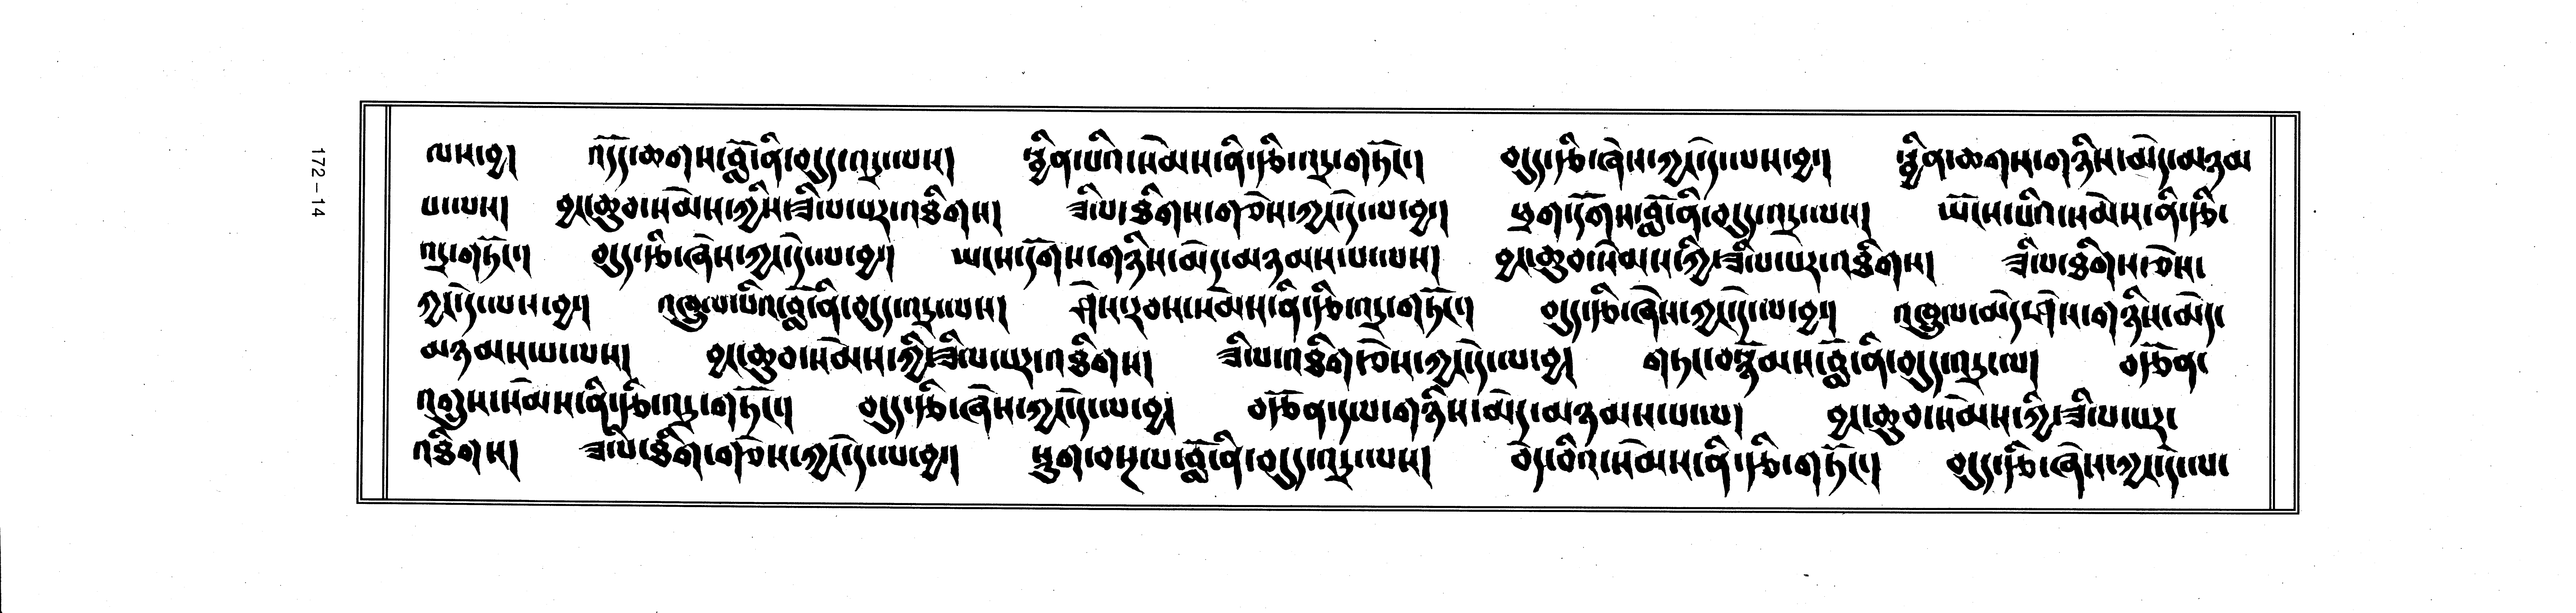ལ་བྱ། འདོད་ཆགས་བློ་ནི་བདུད་འདྲ་ལ། སྦྱིན་པའི་སེམས་ནི་རྩི་འདྲ་གཏོང་། བདུད་རྩི་ཞེས་ཀྱང་དེ་ལ་བྱ། སྦྱིན་ཆགས་གཉིས་མེད་མཉམ་
པ་ལས། བྱང་ཆུབ་སེམས་ཀྱིས་ཟིལ་པར་འཐིགས། ཟིལ་ཐིགས་གཅེས་ཀྱང་དེ་ལ་བྱ། ཕྲག་དོག་བློ་ནི་བདུད་འདྲ་ལ། ཡངས་པའི་སེམས་ནི་རྩི་
འདྲ་གཏོང་། བདུད་རྩི་ཞེས་ཀྱང་དེ་ལ་བྱ། ཡངས་དོགས་གཉིས་མེད་མཉམ་པ་ལས། བྱང་ཆུབ་སེམས་ཀྱི་ཟིལ་པར་འཐིགས། ཟིལ་ཐིགས་ཅེས་
ཀྱང་དེ་ལ་བྱ། འཁྲུལ་པའི་བློ་ནི་བདུད་འདྲ་ལ། ཤེས་རབ་སེམས་ནི་རྩི་འདྲ་གཏོང་། བདུད་རྩི་ཞེས་ཀྱང་དེ་ལ་བྱ། འཁྲུལ་ཤེས་གཉིས་མེད་
མཉམས་པ་ལས། བྱང་ཆུབ་སེམས་ཀྱི་ཟིལ་པར་འཐིགས། ཟིལ་འཐིག་ཟེས་ཀྱང་དེ་ལ་བྱ། གཏང་སྙོམས་བློ་ནི་བདུད་འདྲ་ལ། བརྩོན་
འགྲུས་སེམས་ནི་རྩི་འདྲ་གཏོང་། བདུད་རྩི་ཞེས་ཀྱང་དེ་ལ་བྱ། བརྩོན་དལ་གཉིས་མེད་མཉམ་པ་ལས། བྱང་ཆུབ་སེམས་ཀྱི་ཟིལ་པར་
འཐིགས། ཟིལ་གཅེས་ཀྱང་དེ་ལ་བྱ། སྡུག་བསྔལ་བློ་ནི་བདུད་འདྲ་ལ། བདེ་བའི་སེམས་ནི་རྩི་འདྲ་གཏོང་། བདུད་རྩི་ཞེས་ཀྱང་དེ་ལ་